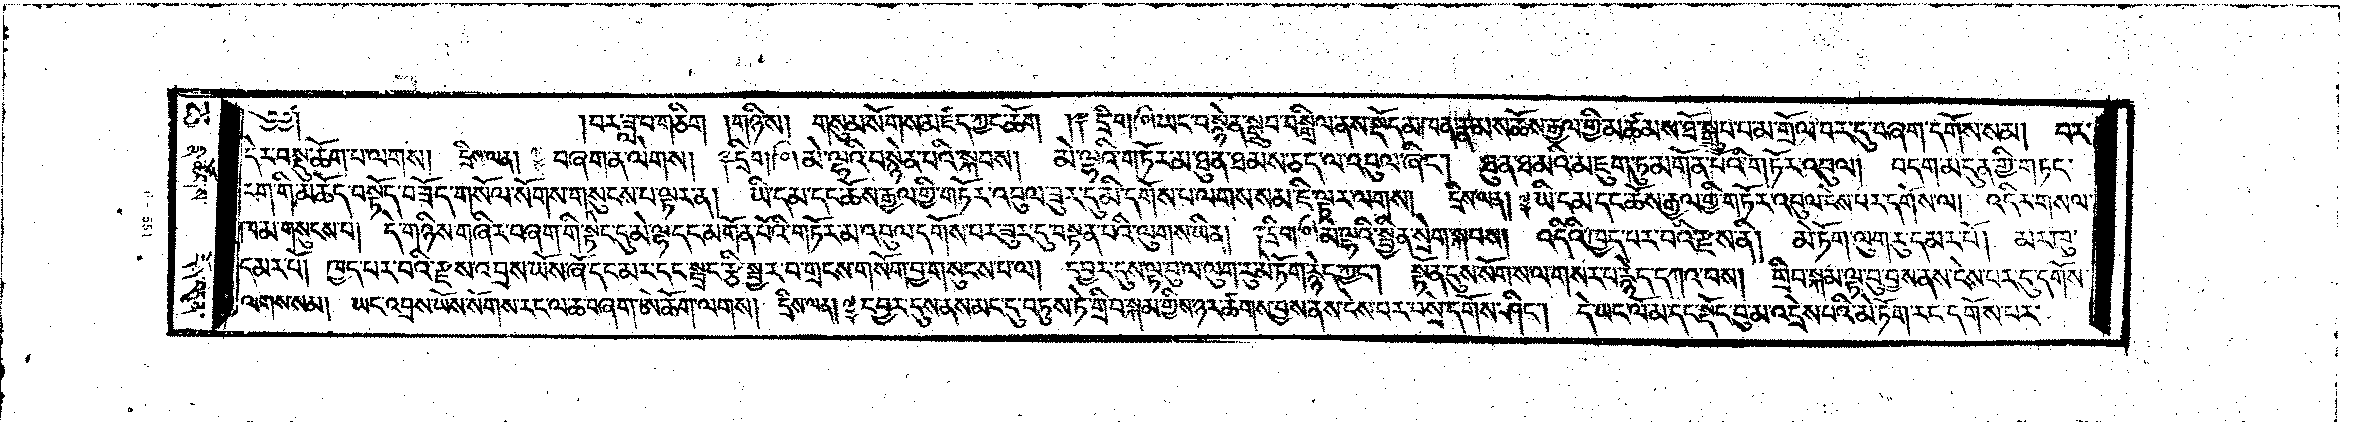༄༅། །བར་ཟླ་བ་གཅིག །གཉིས། གསུམ་སོགས་མཛད་ཀྱང་ཆོག །༈ དྲི་བ། ༼༠༽ ཡང་བསྙེན་སྒྲུབ་བསྒྲིལ་ནས་སྡོད་མཁན་རྣམས་ཆོས་རྒྱལ་གྱི་མཚམས་ཐོ་སྒྲུབ་པ་མ་གྲོལ་བར་དུ་བཞག་དགོས་སམ། བར་
དེར་བསྡུ་ཆོག་པ་ལགས། དྲིས་ལན།  ༈ བཞག་ན་ལེགས། ༈ དྲི་བ། ༼྾༽ མེ་ལྷའི་བསྙེན་པའི་བསྐབས། མེ་ལྷའི་གཏོར་མ་ཐུན་ཐམས་ཅད་ལ་འབུལ་ཞིང་། ཐུན་ཐ་མའི་མཇུག་ཏུ་མགོན་པོའི་གཏོར་འབུལ། བདག་མདུན་གྱི་གཏང་
ངག་གི་མཆོད་བསྟོད་བཟོད་གསོལ་སོགས་གསུངས་པ་ལྟར་ན། ཡི་དམ་དང་ཆོས་རྒྱལ་གྱི་གཏོར་འབུལ་ཟུར་དུ་མི་དགོས་པ་ལགས་སམ་ཇི་ལྟར་ལགས། དྲིས་ལན།  ༈ ཡི་དམ་དང་ཆོས་རྒྱལ་གྱི་གཏོར་འབུལ་ངེས་པར་དགོས་ལ། འདིར་གསལ་
ཁམ་གསུངས་པ། དེ་གཉིས་གཞིར་བཞག་གི་སྟེང་དུ་མེ་ལྷ་དང་མགོན་པོའི་གཏོར་མ་འབུལ་དགོས་པར་ཟུར་དུ་བསྟན་པའི་ལུགས་ཡིན། ༈ དྲི་བ།  ༼྾༽ མེ་ལྷའི་སྦྱིན་སྲེག་སྐབས། འདིའི་ཁྱད་པར་པའི་རྫས་ནི། མེ་ཏོག་ལུག་རུ་དམར་པོ། མར་ཁུ་
དམར་པོ། ཁྱད་པར་བའི་རྫས་འབྲས་ཡོས་ཞོ་དང་མར་དང་སྦྲང་རྩི་སྦྱར་བ་གྲངས་གསོག་བྱ་གསུངས་པ་ལ། དབྱར་དུས་ལྟ་བུ་ལ་ལུག་རུ་མེ་ཏོག་རྙེད་ཀྱང་། སྟོན་དུས་སོགས་ལ་གསར་པ་རྙེད་དཀའ་བས། གྲིབ་སྐམ་ལྟ་བུ་བྱས་ནས་ངེས་པར་དུ་དགོས་
ལགས་སམ། ཡང་འབྲས་ཡོས་སོགས་རང་ལ་ཆ་བཞག་ཨེ་ཆོག་ལགས། དྲིས་ལན།  ༈ དབྱར་དུས་ནས་མང་དུ་བཏུས་ཏེ་གྲིབ་སྐམ་གྱིས་ཉར་ཚགས་བྱས་ནས་ངེས་པར་བསྲེ་དགོས་ཤིང་། དེ་ཡང་ལོ་མ་དང་སྡོང་བུ་མ་འདྲེས་པའི་མེ་ཏོག་རང་དགོས་པར་